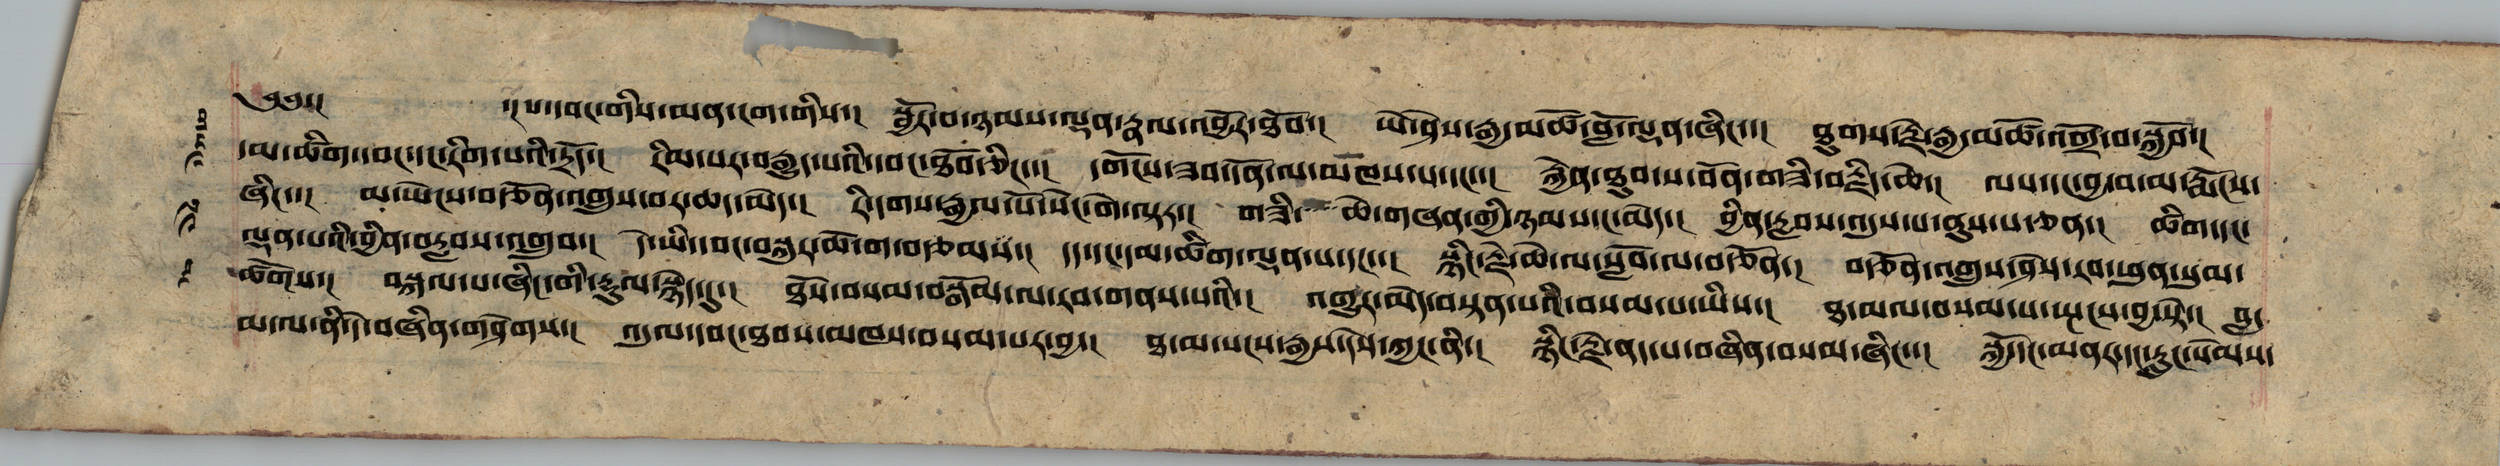༄༅་། ་།ས་དབང་གིས་མན་ངག་གིས་། སྦྱོར་བ་ཉམས་ལྡན་རྣལ་འབྱོར་ཐོབ་། ཡེ་ཤེས་རྒྱ་མཚོ་བློ་ལྡན་ཞིང་་། ཐུགས་རྗེ་རྒྱ་མཚོ་འགྲོ་བ་སྐྱོབ་།
དམ་ཚིག་དབང་དང་རིག་པའི་དྲོད་། རིམ་པར་བརྒྱུད་པའི་དབང་ཐོབ་ཅིང་་། དགོངས་ཟབ་དོན་ལ་མཁས་པ་དང་་། རྐྱེན་ཐུབ་ས་བོན་གཟི་བརྗིད་ཆེ་། ལས་དང་བྱ་བ་མ་རྨོངས་
ཞིང་་། མ་ཡེངས་བརྩོན་འགྲུས་བར་ཆད་མེད་། རི་དགས་རྒྱལ་པོ་སེང་གེ་ལྟར་། གཟི་ ཆེ་གཞན་གྱི་ཉམས་ང་མེད་། བྱིན་རླབས་འདུས་པ་ནུས་པ་ཅན་། ཚིག་དང་
ལྡན་པའི་བྱིན་བརླབས་འགྲུབ་། དེ་ཡི་དབང་བསྐུར་ཆོ་ག་བརྩམས་། དད་དང་དམ་ཚིག་ལྡན་པ་དང་་། སྙིང་རྗེ་ཆེ་ལ་སློབ་ལ་བརྩོན་། བརྩོན་འགྲུབ་ཤེས་རབ་ཕུན་སུམ་
ཚོགས་། བསྐལ་པ་ཞིང་གི་རྡུལ་སྙེད་དུ་། ཐོས་བསམ་བསྒོམ་ལ་རབ་གནས་པའི་། འགྱུར་མེད་བསྟན་པའི་བསམ་པ་ཡིས་། ཐ་མལ་བསམ་པ་སྤངས་བྱ་སྟེ་། བླ་
མ་ལ་ནི་དེ་བཞིན་གཤེགས་། འདུལ་དབང་ཐབས་མཁས་བསམ་པར་བྱ་། ཐ་མ་སངས་རྒྱས་དེས་ཀྱང་ནི་། སྙིང་རྗེ་ནད་པ་བཞིན་བསམ་ཞིང་་། སྐྱོ་དང་མནར་དང་རླུང་སེམས་